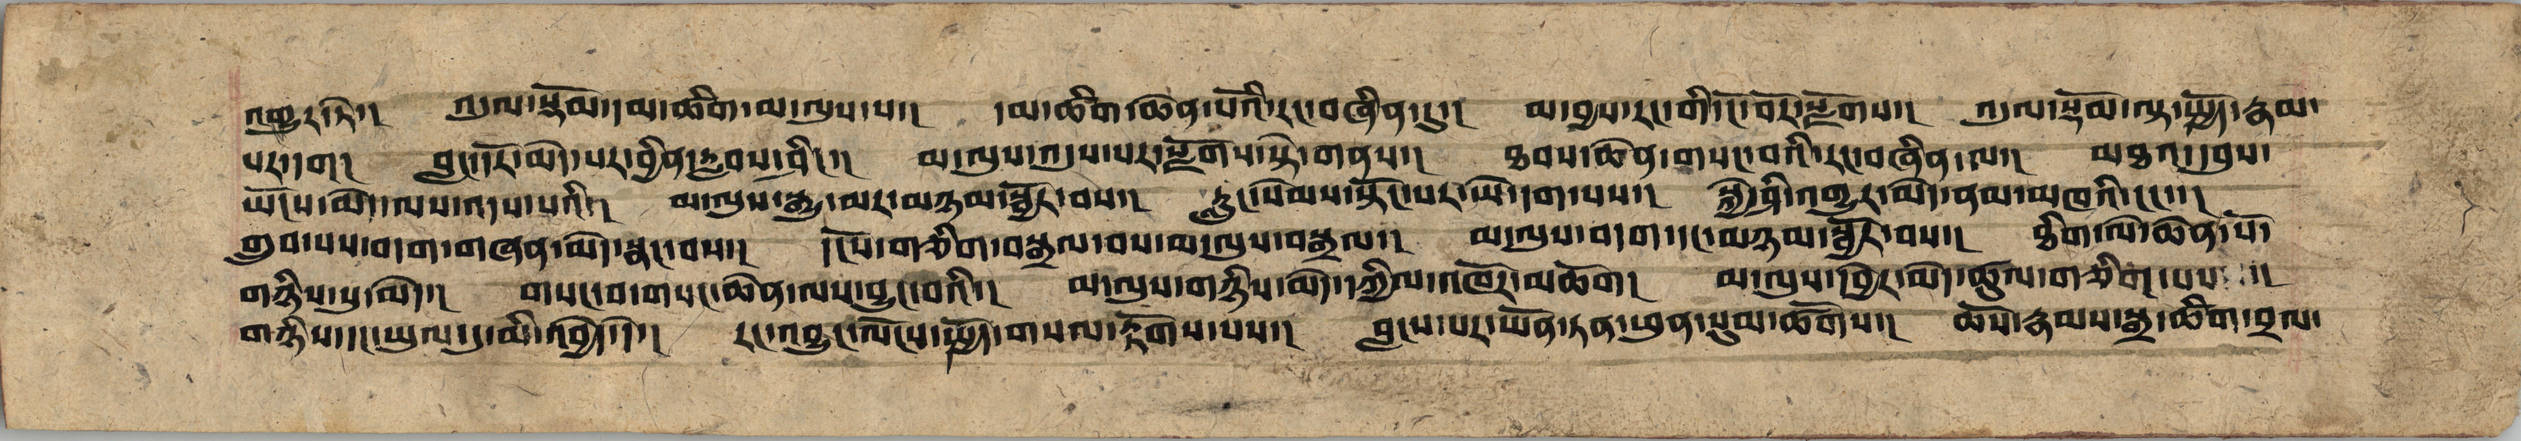འགྱུར་ཏེ་། འདུལ་སྡོམ་དམ་ཚིག་མ་ལུས་པ་། དམ་ཚིག་ཆེན་པོའི་རང་བཞིན་དུ་། མ་བྱས་རང་གི་ངོ་བོར་སྫོགས་། འདུལ་སྡོམ་ལྟ་སྤྱོད་རྣམ་
པར་དག། བླང་དོར་མེད་པར་བྱིན་རླབས་ཤིང་། མ་ལུས་འདུས་པར་སྫོགས་སྟེ་གནས་། ཐབས་ཆེན་གསང་བའི་རང་བཞིན་ལ་། མཐའ་དབུས་
ཡོངས་མེད་ལས་འདས་པའི་། མ་ལུས་སྒྱུ་མར་མཉམ་སྦྱོར་བས་། རླུང་སེམས་སྟོང་པར་ཡེ་དག་པས་། སྐྱེ་ཤི་འགྱུར་མེད་ནམ་མཁའི་ངང་་།
གྲུབ་པས་བདག་གཞན་མེད་སྣང་བས་། དངོས་གཅིག་བསྒྲལ་བས་མ་ལུས་བསྒྲལ་། མ་ལུས་བདག་དང་མཉམ་སྦྱོར་བས་། ཐིག་ལེ་ཆེན་པོ་
གཉིས་སུ་མེད་། གསང་བ་གསང་ཆེན་ལས་བྱུང་བའི་། མ་ལུས་གཉིས་མེད་དཀྱིལ་འཁོར་མཆོག། མ་ལུས་དབྱེར་མེད་ཚུལ་གཅིག་པས ་།
གཉིས་དང་ཡུལ་དུ་མི་འབྱདེ་དེ་། རང་འབྱུང་ལོངས་སྤྱོད་གསལ་རྟོགས་པས་། བླངས་པར་ཡོན་ཏན་ཕུན་སུམ་ཚོགས་། ཆོས་རྣམས་སྒྲ་ཚིག་བྲལ་